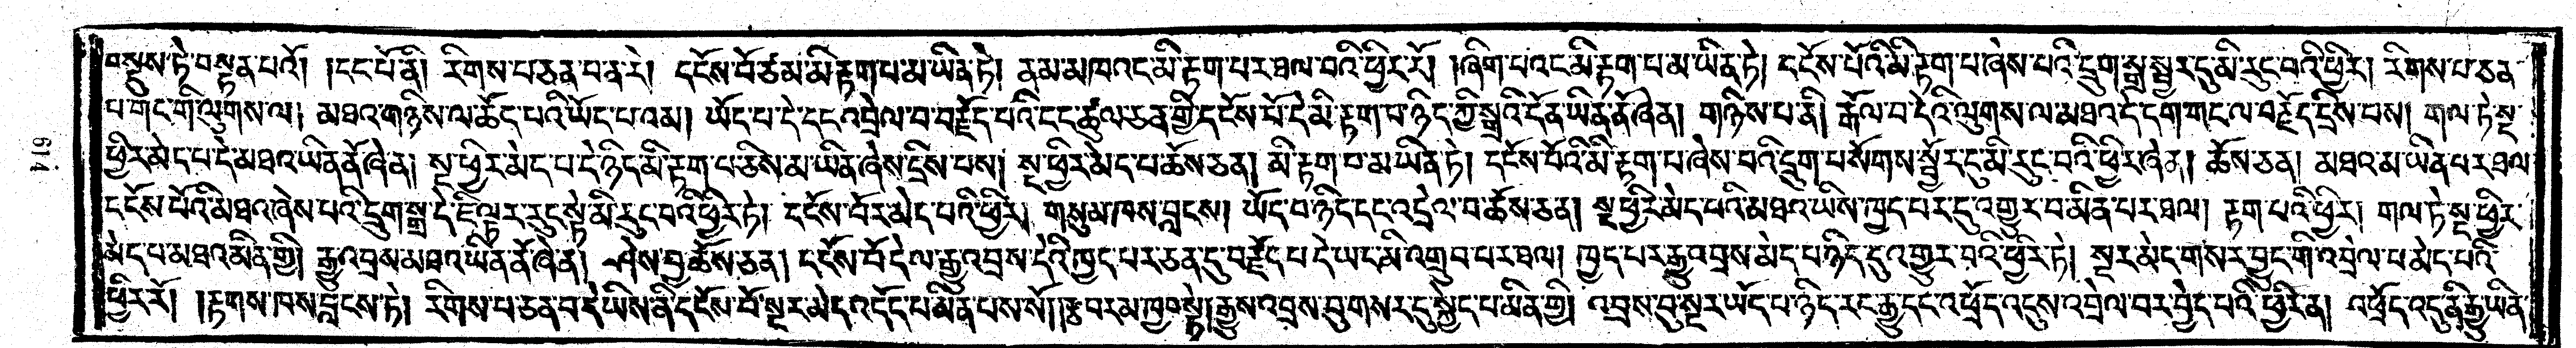བསྡུས་ཏེ་བསྟན་པའོ། །དང་པོ་ནི། རིགས་པ་ཅན་པ་ན་རེ། དངོས་པོ་ཙམ་མི་རྟག་པ་མ་ཡིན་ཏེ། ནམ་མཁའང་མི་རྟག་པར་ཐལ་བའི་ཕྱིར་རོ། །ཞིག་པའང་མི་རྟག་པ་མ་ཡིན་ཏེ། དངོས་པོའི་མི་རྟག་པ་ཞེས་པའི་དྲུག་སྒྲ་སྦྱར་དུ་མི་རུང་བའི་ཕྱིར། རིགས་པ་ཅན་
པ་གང་གི་ལུགས་ལ། མཐའ་གཉིས་ལ་ཆོད་པའི་ཡོད་པའམ། ཡོད་པ་དེ་དང་འབྲེལ་བ་བརྗོད་པའི་ངང་ཚུལ་ཅན་གྱི་དངོས་པོ་དེ་མི་རྟག་པ་ཉིད་ཀྱི་སྒྲའི་དོན་ཡིན་ནོ་ཞེ་ན། གཉིས་པ་ནི། རྒོལ་བ་དེའི་ལུགས་ལ་མཐའ་དེ་དག་གང་ལ་བརྗོད་དྲིས་པས། གལ་ཏེ་སྔ་
ཕྱིར་མེད་པ་དེ་མཐའ་ཡིན་ནོ་ཞེ་ན། སྔ་ཕྱིར་མེད་པ་དེ་ཉིད་མི་རྟག་པ་ཅིས་མ་ཡིན་ཞེས་དྲིས་པས། སྔ་ཕྱིར་མེད་པ་ཆོས་ཅན། མི་རྟག་པ་མ་ཡིན་ཏེ། དངོས་པོའི་མི་རྟག་པ་ཞེས་པའི་དྲུག་པ་སོགས་སྦྱོར་དུ་མི་རུང་བའི་ཕྱིར་ཞེ་ན། ཆོས་ཅན། མཐའ་མ་ཡིན་པར་ཐལ་
དངོས་པོའི་མཐའ་ཞེས་པའི་དྲུག་སྒྲ་དེ་ཇི་ལྟར་རུང་སྟེ་མི་རུང་བའི་ཕྱིར་ཏེ། དངོས་པོར་མེད་པའི་ཕྱིར། གསུམ་ཁས་བླངས། ཡོད་པ་ཉིད་དང་འདྲེལ་བ་ཆོས་ཅན། སྔ་ཕྱིར་མེད་པའི་མཐའ་ཡིས་ཁྱད་པར་དུ་འགྱུར་བ་མིན་པར་ཐལ། རྟག་པའི་ཕྱིར། གལ་ཏེ་སྔ་ཕྱིར་
མེད་པ་མཐའ་མིན་གྱི། རྒྱུ་འབྲས་མཐའ་ཡིན་ནོ་ཞེ་ན། ཤེས་བྱ་ཆོས་ཅན། དངོས་བོ་དེ་ལ་རྒྱུ་འབྲས་དེའི་ཁྱད་པར་ཅན་དུ་བརྗོད་པ་དེ་ཡང་མི་འགྲུབ་པར་ཐལ། ཁྱད་པར་རྒྱུ་འབྲས་མེད་པ་ཉིད་དུ་འགྱུར་བའི་ཕྱིར་ཏེ། སྔར་མེད་གསར་བྱུང་གི་འབྲེལ་པ་མེད་པའི་
ཕྱིར་རོ། །རྟགས་ཁས་བླངས་ཏེ། རིགས་པ་ཅན་བ་དེ་ཡིས་ནི་དངོས་བོ་སྔར་མེད་འདོད་པ་མིན་པས་སོ། །རྩ་བར་མ་ཁྱབ་སྟེ། རྒྱུས་འབྲས་བུ་གསར་དུ་སྐྱེད་པ་མིན་གྱི། འབྲས་བུ་སྔར་ཡོད་པ་ཉིད་རང་རྒྱུ་དང་འཕྲོད་འདུས་འབྲེལ་བར་བྱེད་པའི་ཕྱིར་ན། འཕྲོད་འདུ་ནི་རྒྱུ་ཡིན་